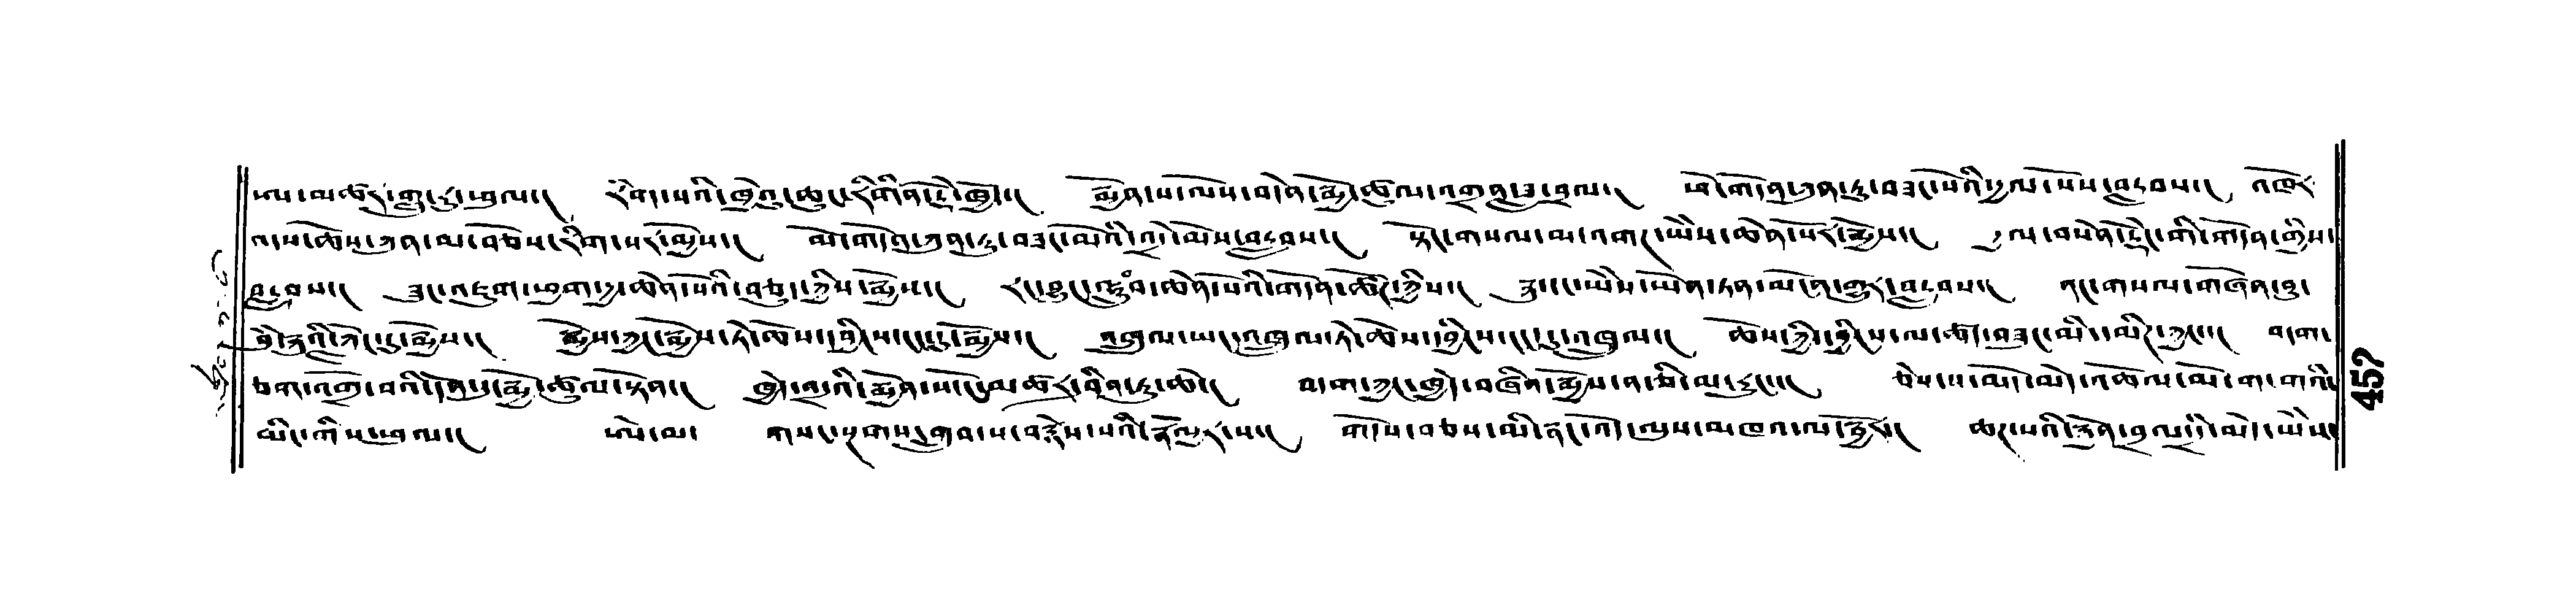ཨ་མཚར་གླུ་རུ་ཕུལ། །རིག་པའི་ཁྱེའུ་ཆུང་རིག་འཛིན་རྡོ་རྗེ་ཁྱོད། །སྨྱོས་པ་ལོས་བདེན་སྨྱོ་ཚུལ་འགྲན་ཟླ་བྲལ། །ཕོ་གདོན་ཀུན་ཏུ་བཟང་པོའི་རྒྱལ་པོས་བརླབས། །འཁོར་
འདས་ཆོས་ཀུན་མ་བཅོས་རིག་པར་མྱོས། །མོ་གདོན་ཀུན་ཏུ་བཟང་མོའི་འདྲེ་མོས་བརླབས། །སྟོང་གསལ་མ་འགགས་ཡེ་ཤེས་ཆེན་པོར་སྨྱོས། །རྒྱལ་བསེན་རྡོ་རྗེ་འཆང་གི་གདོན་གྱིས་
བརླབས། །ཟུང་འཇུག་ཕྱག་རྒྱ་ཆེན་པོའི་བཅུད་ཀྱིས་སྨྱོས། །རང་བྱུང་ལྷུན་གྲུབ་ཆེན་པོའི་གདོན་ཚོགས་ཀྱིས། །སྐུ་དང་ཡེ་ཤེས་ཡོན་ཏན་མངོན་གྱུར་བརླབས། །ནང་གསལ་གཞོན་ནུ་
བུམ་སྐུའི་ཀློང་དུ་སྨྱོས། །སྨྱོས་ཀྱང་སྨྱོས་ཏེ་ཆོས་དབྱིངས་ངང་དུ་སྨྱོས། །འཁྲུལ་ཡང་འཁྲུལ་ཏེ་ཆོས་དབྱིངས་ངང་དུ་འཁྲུལ། །ཆོས་ཀྱི་དབྱིངས་ལ་ཚད་བཟུང་མི་དམིགས་ཀྱང་། །བདག་
ཅག་འགྲོ་བའི་དོན་དུ་སྨྱོ་ཚུལ་སྟོན།ཁྱེད་འདྲའི་སྨྱོན་པ་ངོ་མཚར་ཤིན་ཏུ་ཆེ། །བདག་ཀྱང་ཁྱེད་བཞིན་སྨྱོས་ན་ཅི་མ་རུང་། ཅེས་པ་མདོ་མེད་འཆོལ་མོ་ག་གའི་
མིང་གིས་ཕུལ།། ༈ ཨེ་མ། གསང་སྔགས་གྲུབ་པ་བརྙེས་པའི་རྣལ་འབྱོར་པ། གདོས་བཅས་མི་སྣང་འོད་ལུས་མཁའ་ལ་སྦྱོར། ཆགས་པའི་སྐྱོན་བྲལ་དྲི་མེད་ཡེ་ཤེས་